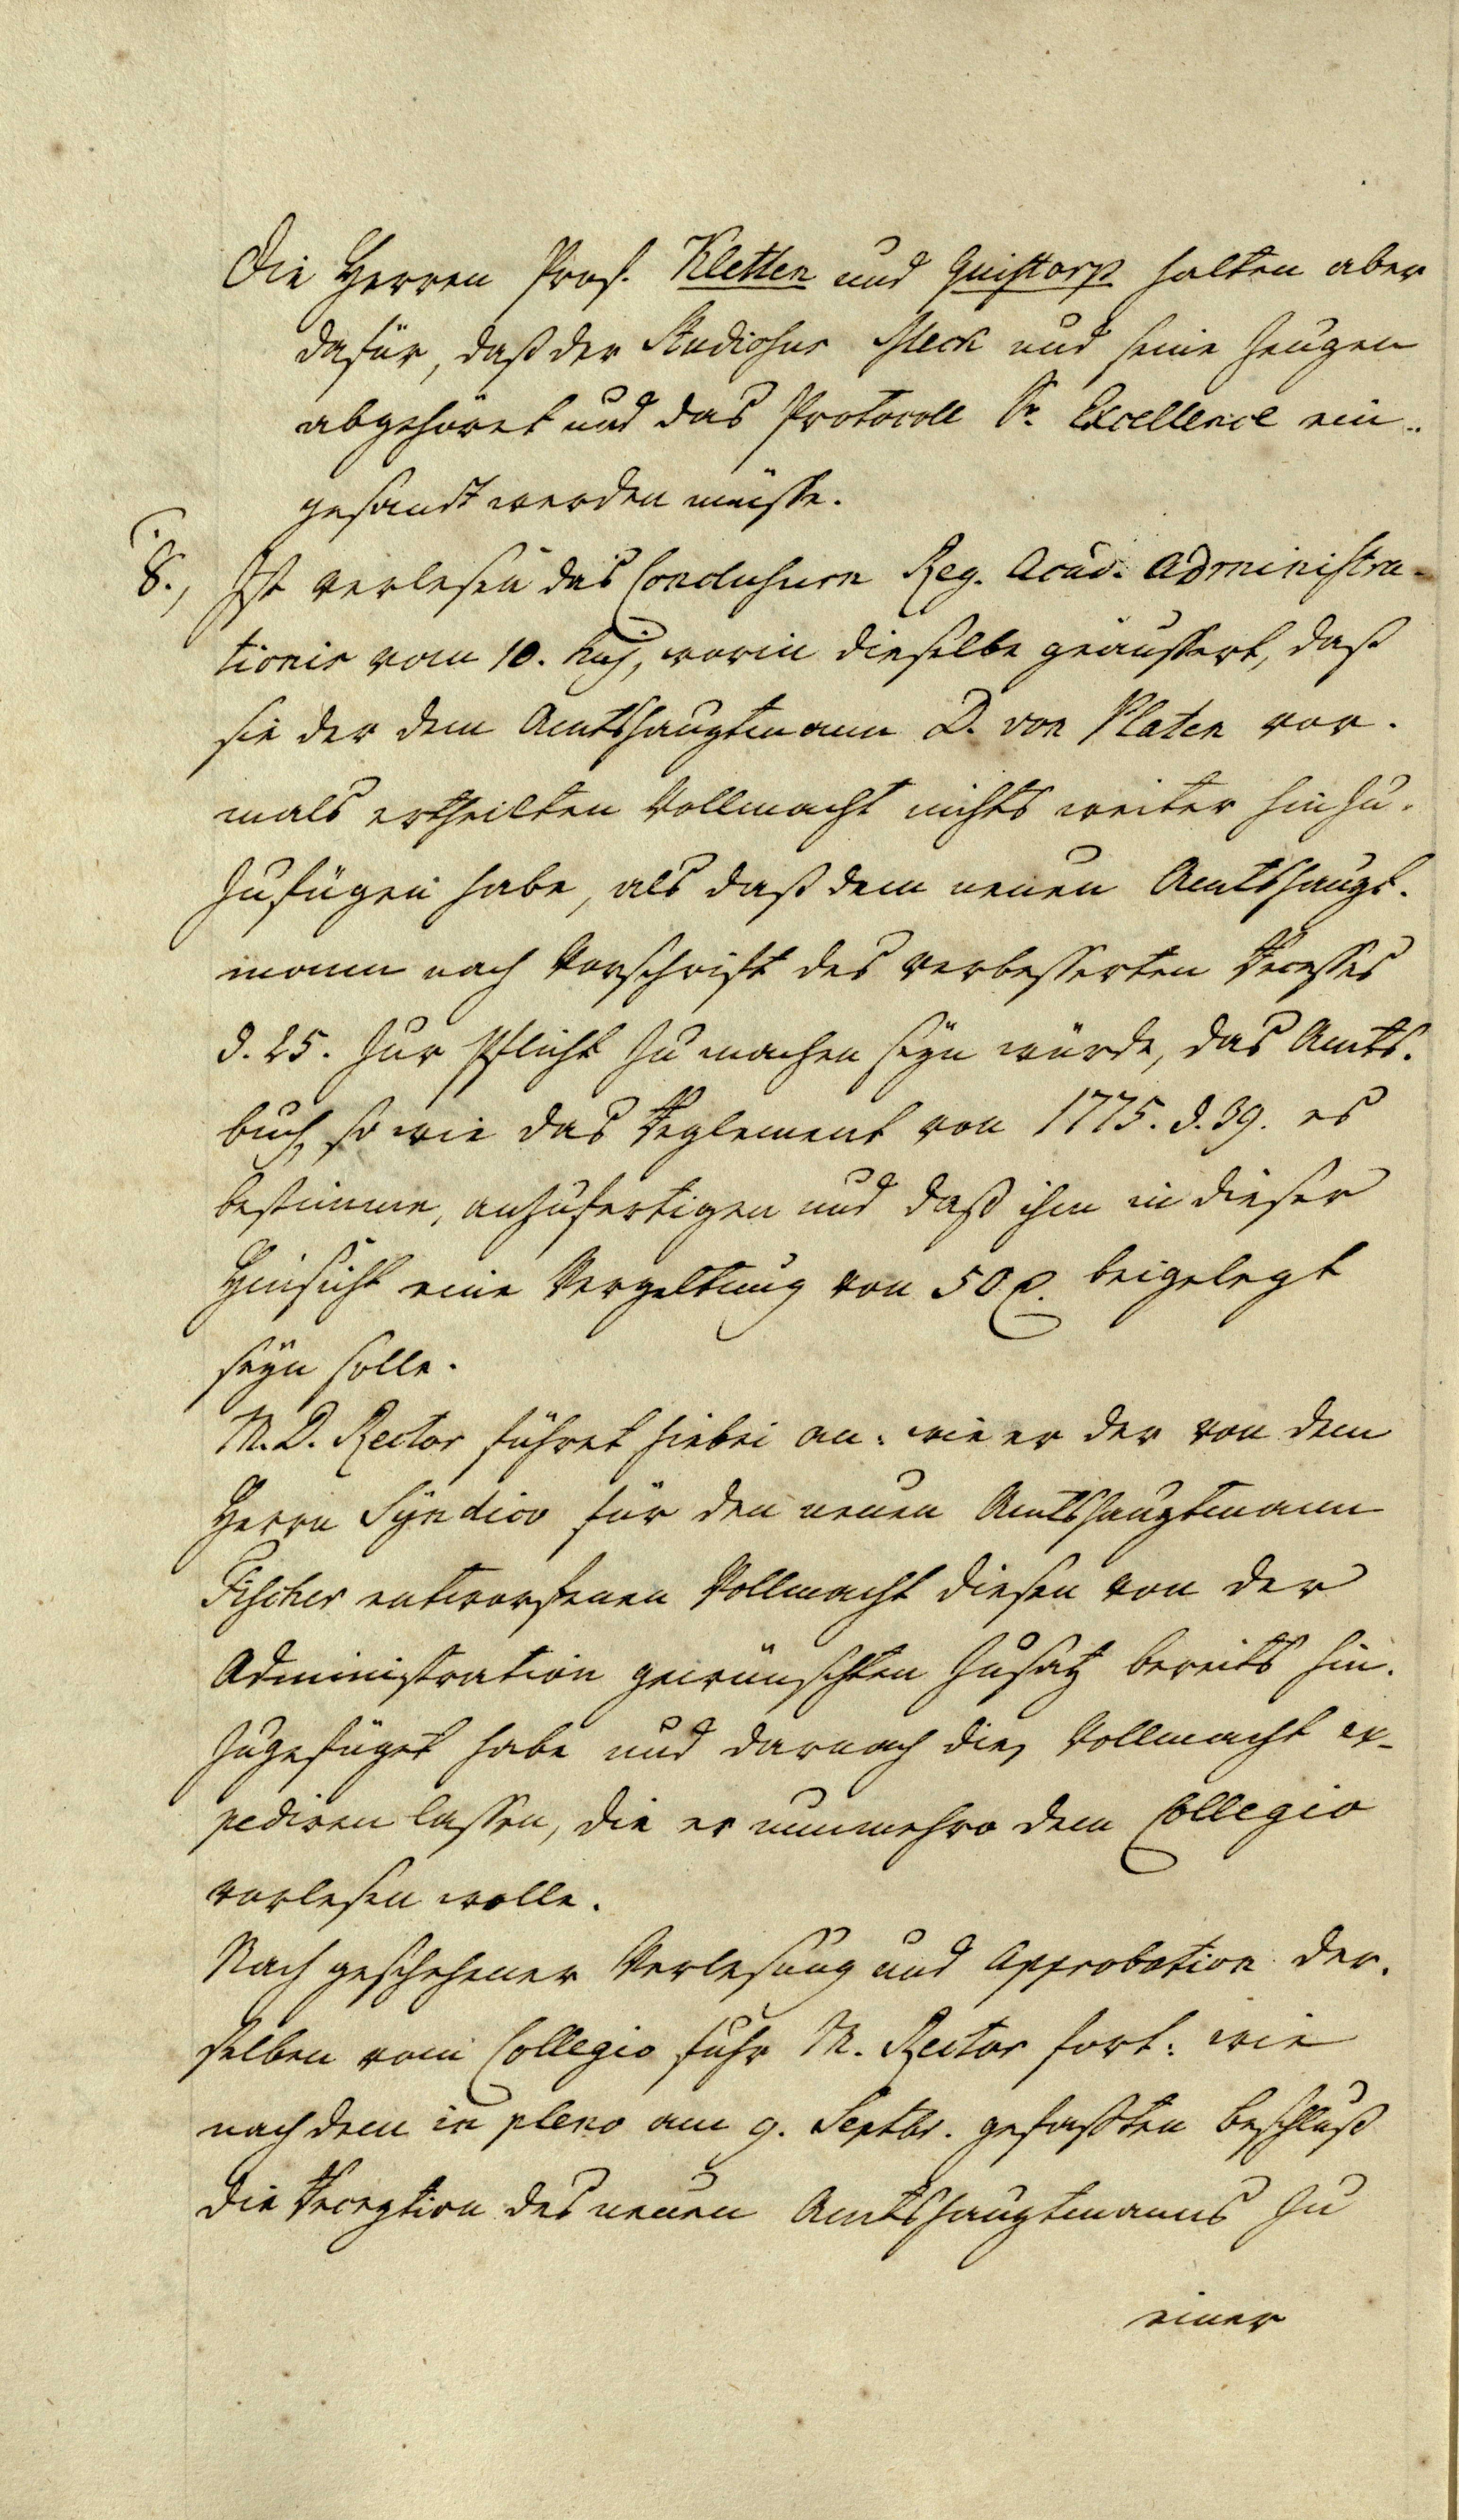Die Herren Prof. Kletten und Quistorp halten aber
dafür, daß der Studiosus Meck und seine Zeugen
abgehöret und das Protocoll Sr Excellence ein¬
gesandt werden müsse.
8., Ist verlesen das Conclusum Reg. Acad. Administra¬
tionis vom 10. huj, worin dieselbe geäussert, daß
sie der dem Amtshauptmann D. von Platen vor¬
mals ertheilten Vollmacht nichts weiter hinzu¬
zufügen habe, als daß dem neuen Amtshaupt¬
mann nach Vorschrift des verbesserten Recesses
§. 25. zur Pflicht zu machen seÿn würde, das Amts¬
buch, so wie das Reglement von 1775. §. 39. es
bestimme, anzufertigen und daß ihm in dieser
Hinsicht eine Vergeltung von 50 l. beigelegt
seÿn solle.
M. D. Rector führet hiebei an: wie er der von dem
Herrn Sÿndico für den neuen Amtshauptmann
Fischer entworfenen Vollmacht diesen von der
Administration gewünsichten Zusatz bereits hin¬
zugefüget habe und darnach die Vollmacht ex¬
pediren lassen, die er nunmehro dem Collegio
vorlesen wolle.
Nach geschehener Verlesung und Approbation der¬
selben vom Collegio für M. Rector fort: wie
nach dem in pleno am 9. Septbr. gefaßten Beschluß
die Reception des neuen Amtshauptmanns zu
einer